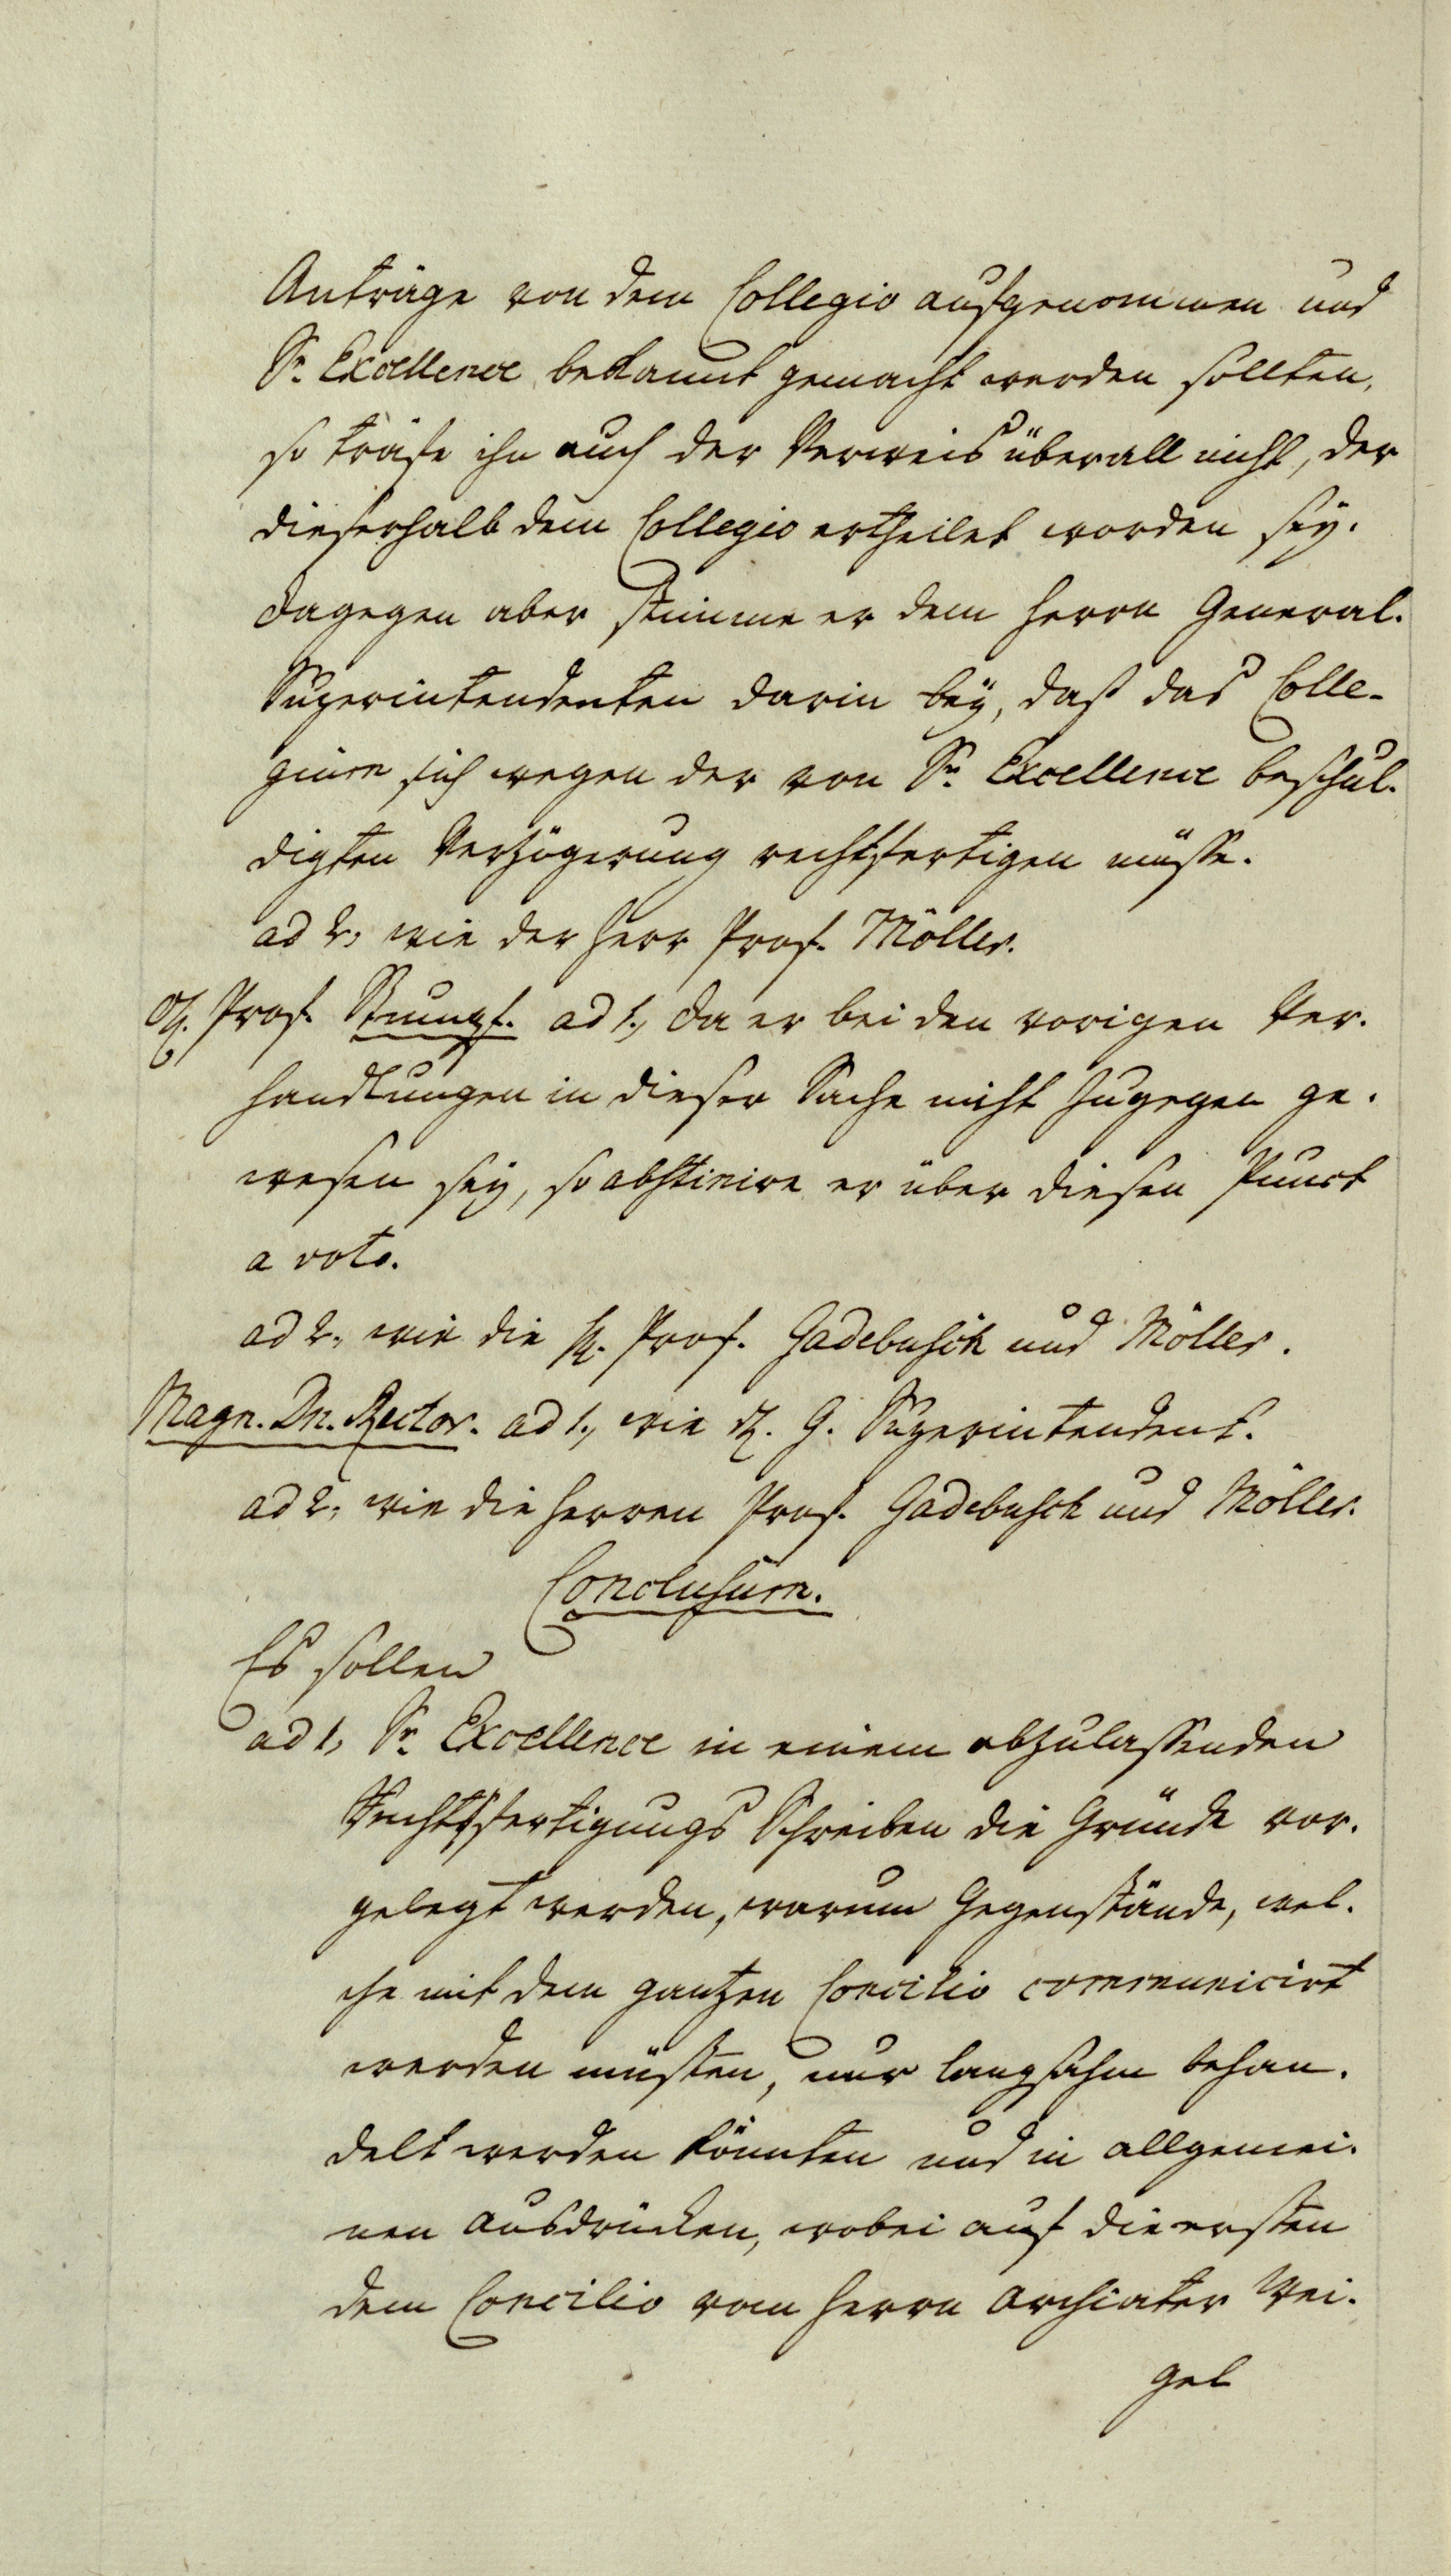Anträge von dem Collegio aufgenommen und
Sr. Excellence bekannt gemacht werden sollten,
so träfe ihn auch der Verweis überall nicht, der
dieserhalb dem Collegio ertheilet worden seÿ.
Dagegen aber Stimme er dem Herrn General¬
Superintendenten darin beÿ, daß das Colle¬
gium sich wegen der von Sr. Excellence beschul¬
digten Verzögerung rechtfertigen müsse.
ad 2., wie der Herr Prof. Möller.
dh. Prof. Stumpf. ad 1., Da er bei den vorigen Ver¬
handlungen in dieser Sache nicht zugegen ge¬
wesen seÿ, so abstinire er über diesen Punct
a voto.
ad 2. wie die dh. Prof. Gadebusch und Möller.
Magn. Dn. Rector. ad 1., wie dh. G. Superintendent.
ad 2. wie die Herren Prof. Gadebusch und Möller.
Conclusum.
Es sollen
ad 1, Sr Excellence in einem abzulassenden
Rechtsfertigungs Schreiben die Gründe vor¬
gelegt werden, warum Gegenstände, wel¬
che mit dem gantzen Concilio communicirt
werden müßten, nur langsahm behan¬
delt werden könnten und in allgemei¬
nen Ausdrücken, wobei auf die ersten
dem Concilio vom Herrn Archiater Wei¬
gel